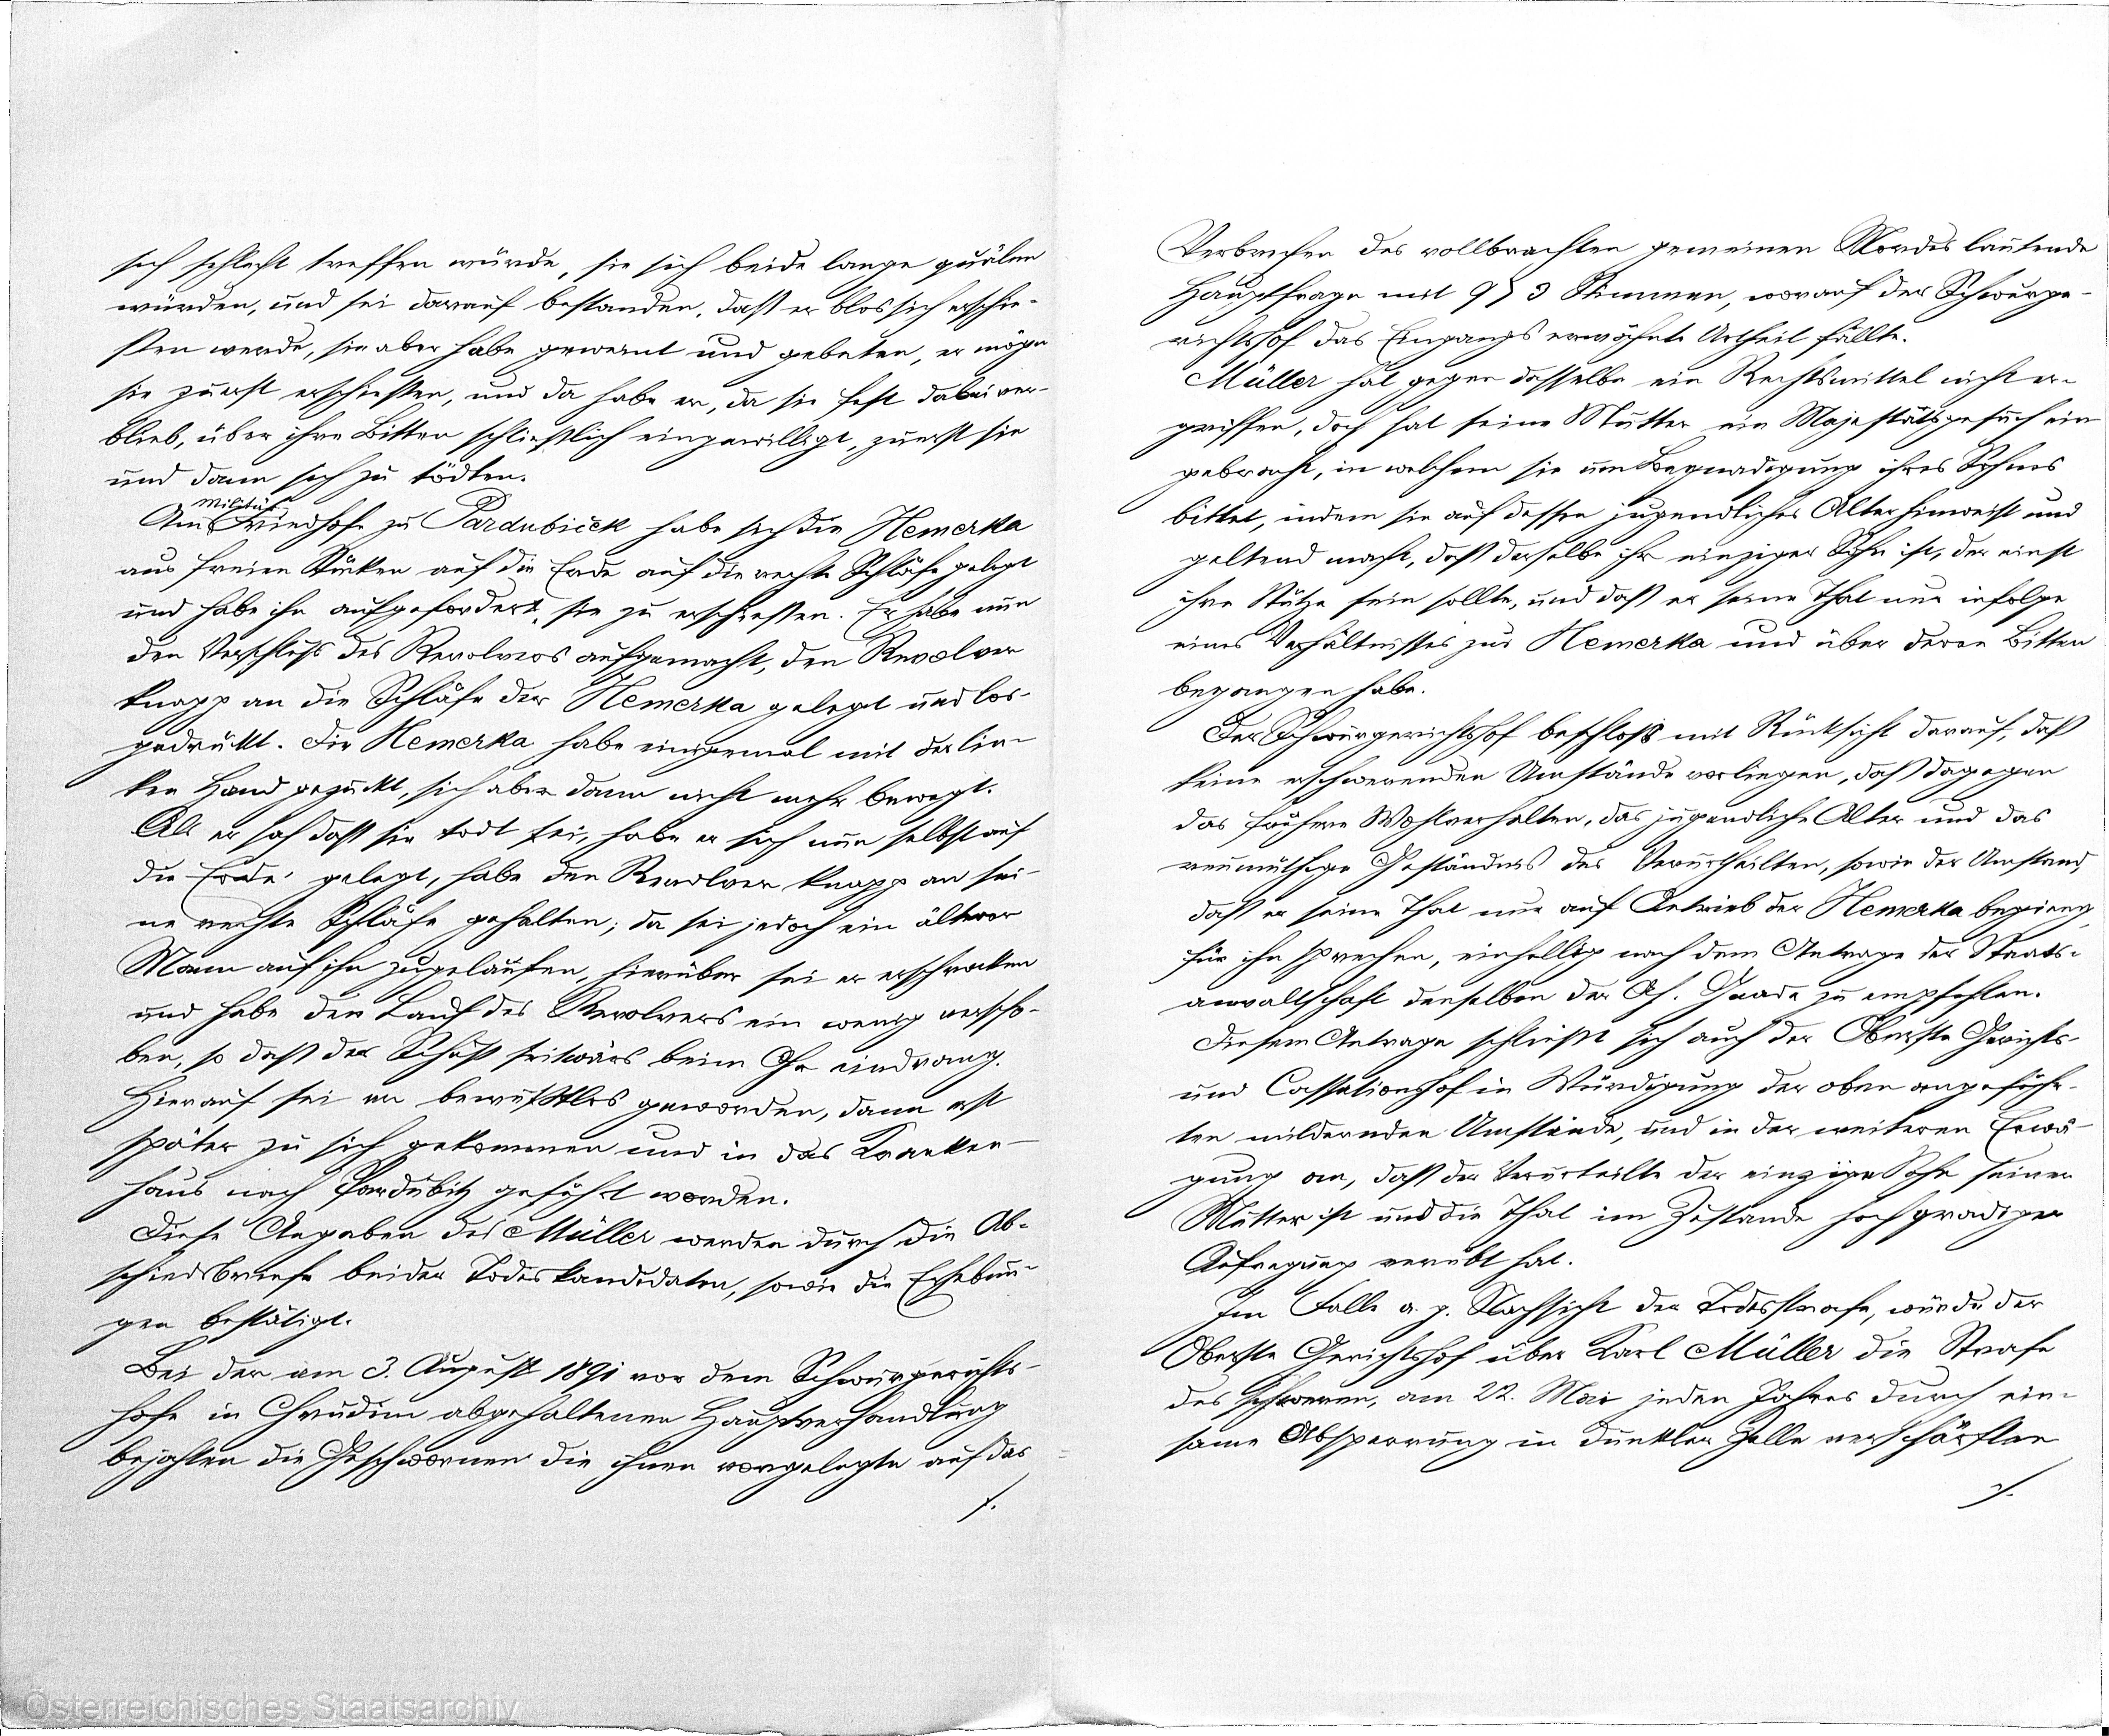sich schlehct treffen würde, sie sich beide lange quälen
würden, und sei darauf bestanden, daß er blos sich erschie¬
ßen werde, sie aber habe geweint und gebeten, er möge
sie zuerst erschießen, und da habe er, da sie fest dabei ver¬
blieb, über ihre Bitte schließlich eingewilligt, zuerst sie
und dann sich zu tödten.
Militär
Am Friedhof zu Pardubicĕk habe sich die Hemerka
aus freien Stücke auf die Erde auf die rechte Schläfe gelegt
und habe ihn aufgefordert sie zu erschießen. Er habe nun
Verschluß des Revolvers aufgemacht, den Revolver
knapp an die Schläfe der Hemerka gelegt und los¬
gedrückt. Die Hemerka habe einigemal mit der lin¬
ken Hand gezückt, sich aber dann nicht mehr bewegt.
Als er sah daß sie todt sei, habe er sich nun selbst auf
die Erde gelegt, habe den Revolver knapp an sei¬
ne rechte Schläfe gehalten; da sei jedoch ein älterer
Mann auf ihn zugelaufen hierüber sei er erschrocken
und habe den Lauf des Revolvers ein wenig verscho¬
ben, so daß der Schuß seitwärs beim Ohr eindrang.
Hierauf sei er bewußtlos geworden, dann erst
später zu sich gekommen und in der Kranken¬
haus noch Pardubitz geführt worden.
Diese Angaben der Müller werden durch die Ab¬
schiedsbriefe beider Todeskandidaten, sowie die Erhebun¬
gen bestätigt.
Bei der am 3. August 1891 vor dem Schwurgerichts¬
hofe in Grudim abgehaltenen Hauptverhandlung
bejahten die Geschworenen die ihnen vorgelegte auf das
Verbrechen das vollbrachten gemeinen Mordes lautende
Hauptfrage mit 9>3 Stimmen, worauf der Schwurge¬
richtshof das Eingangs erwähnte Urtheil fällte.
Müller hat gegen dasselbe ein Rechtsmittel nicht er¬
griffen, doch hat seine Mutter ein Majestätsgesuch ein¬
gebracht, in welchem sie um Begnadigung ihres Sohnes
bittet, indem sie auf dessen jugendliches Alter hinweist und
geltend macht, daß derselbe ihr einziger Sohn ist, der einst
ihre Stütze sein sollte, und daß er seine That nur infolge
eines Verhältnisses zur Hemerka und über deren Bitten
begangen habe.
Der Schwurgerichthsof beschloß mit Rücksicht darauf, daß
keine erschwerenden Umstände vorliegen, daß dagegen
das frühere Wohlverhalten, das jugendliche Alter und das
reumüthige Geständnis der Verurtheilten, sowie der Umstand,
daß er seine That nur auf Antrieb der Hemerka begieng
für ihn sprechen, einhellig nach dem Antrage der Staats¬
anwaltschaft denselben der Ah. Gnade zu empfehlen.
Diesem Antrage schließt sich auch der Oberste Gerichts-
und Cassationshof in Würdigung der oben angeführ¬
ten mildernden Umstände, und in der weiteren Erwä¬
gung an, daß der Verurtheilte der einzige Sohn seiner
Mutter ist und die That im Zustand hochgradiger
Aufregung verübt hat.
Im Falle a.g. Nachsicht der Todesstrafe, würde der
Oberste Gerichtshof über Karl Müller die Strafe
der schweren, am 22. Mai jeden Jahres durch ein¬
same Absperrung in dunkler Zelle verschärften